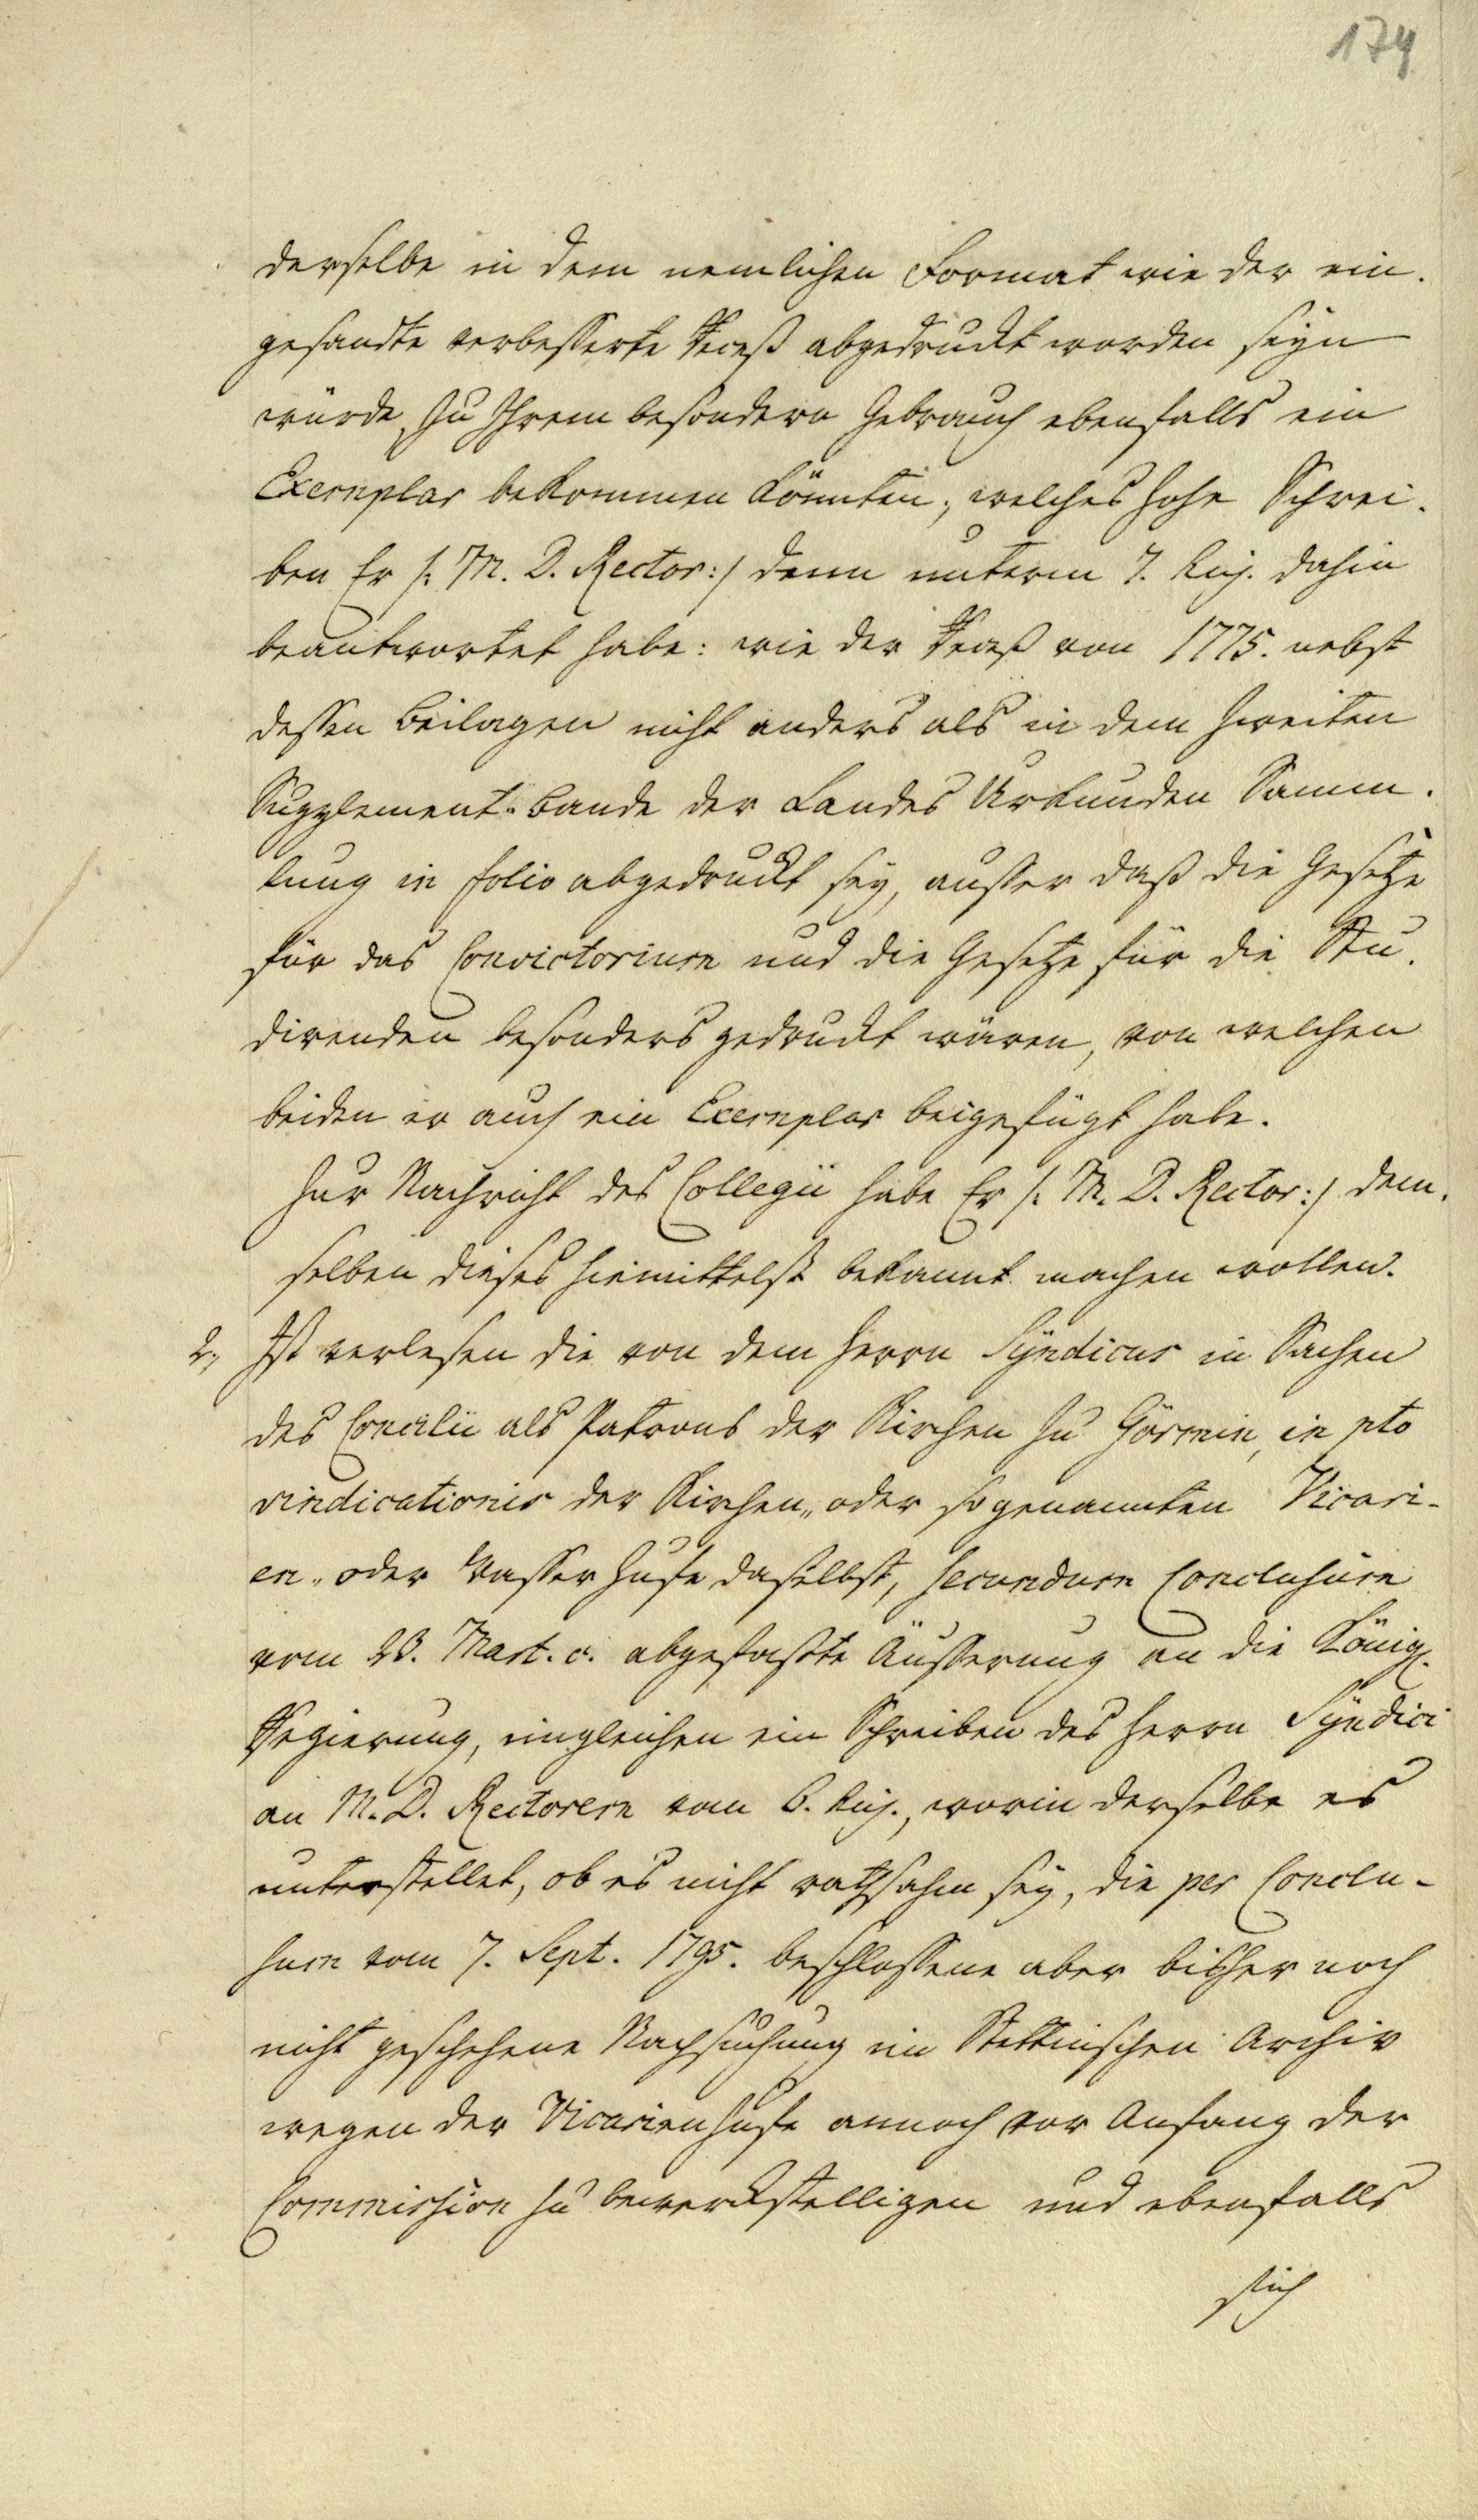derselbe in dem nemlichen Format wie der ein¬
gesandte verbesserte Receß abgedruckt worden seÿn
würde, zu Ihrem besondern Gebrauch ebenfalls ein
Exemplar bekommen könnten, welches hohe Schrei¬
ben Er /: M. D. Rector :/ denn unterm 7. huj. dahin
beantwortet habe: wie der Receß von 1775. nebst
dessen Beilagen nicht anders als in dem zweiten
Supplement-Bande der Landes Urkunden Samm¬
lung in folio abgedruckt seÿ, ausser daß die Gesetze
für das Convictorium und die Gesetze für die Stu¬
direnden besonders gedruckt wären, von welchen
beiden er auch ein Exemplar beigefügt habe.
Zur Nachricht des Collegio habe Er /: M. D. Rector :/ dem¬
selben dieses hiemittelst bekannt machen wollen.
2., Ist verlesen die von dem Herrn Sÿndicus in Sachen
des Concilii als Patrons der Kirchen zu Görmin in pto
vindicationis der Kirchen, oder so genannten Vicari¬
en, oder Wasser Hufe daselbst, secundum Conclusum
vom 23. Mart. c. abgefaßte Äusserung an die Königl.
Regierung, imgleichen ein Schreiben des Herrn Sÿndici
an M. D. Rectorem vom 6. huj., worin derselbe es
unterstellet, ob es nicht rathsahm seÿ, die per Conclu¬
sum vom 7. Sept. 1795. beschlossene aber bisher noch
nicht geschehene Nachsuchung im Stettinschen Archiv
wegen der Vicarienhufe annoch vor Anfang der
Commission zu bewerckstelligen und ebenfalls
sich